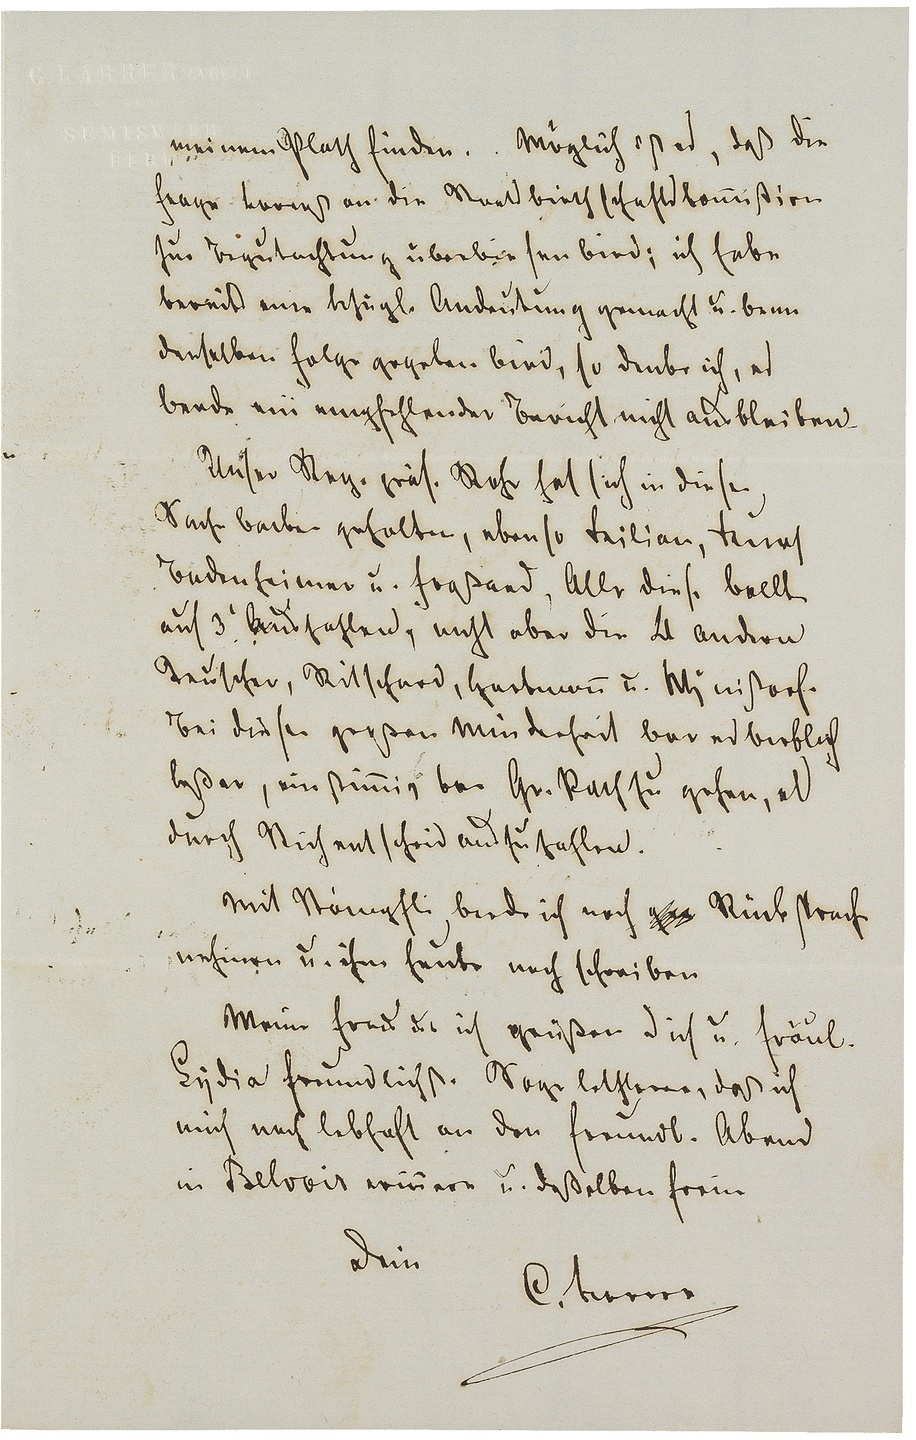meinem Platz finden. Möglich ist es, daß die
Frage vorerst an die Staatswirthschaftskommißion
zur Begutachtung überwiesen wird; ich habe
bereits eine bezügl. Andeutung gemacht u. wenn
derselben Folge gegeben wird, so denke ich, es
werde ein empfehlender Bericht nicht ausbleiben.
Unser Reg.präs. Rohr hat sich in dieser
Sache wacker gehalten, ebenso Kilian, Kurz
Bodenheimer u. Froßard. Alle diese wollten
auf 3t auszahlen, nicht aber die 4 andern
Teuscher, Ritschard, Hartmann u. Wynistorf.
Bei dieser großen Minderheit war es wirklich
beßer, einstimmig vor Gr. Rath zu gehen, als
durch Stichentscheid auszuzahlen.
Mit Stämpfli werde ich noch gar Rücksprache
nehmen u. ihm heute noch schreiben.
Meine Frau u. ich grüßen dich u. Fräul.
Lydia freundlichst. Sage letzterer, daß ich
mich noch lebhaft an den freundl. Abend
in Belvoir erinnere u. deßelben freue.
Dein
C. Karrer